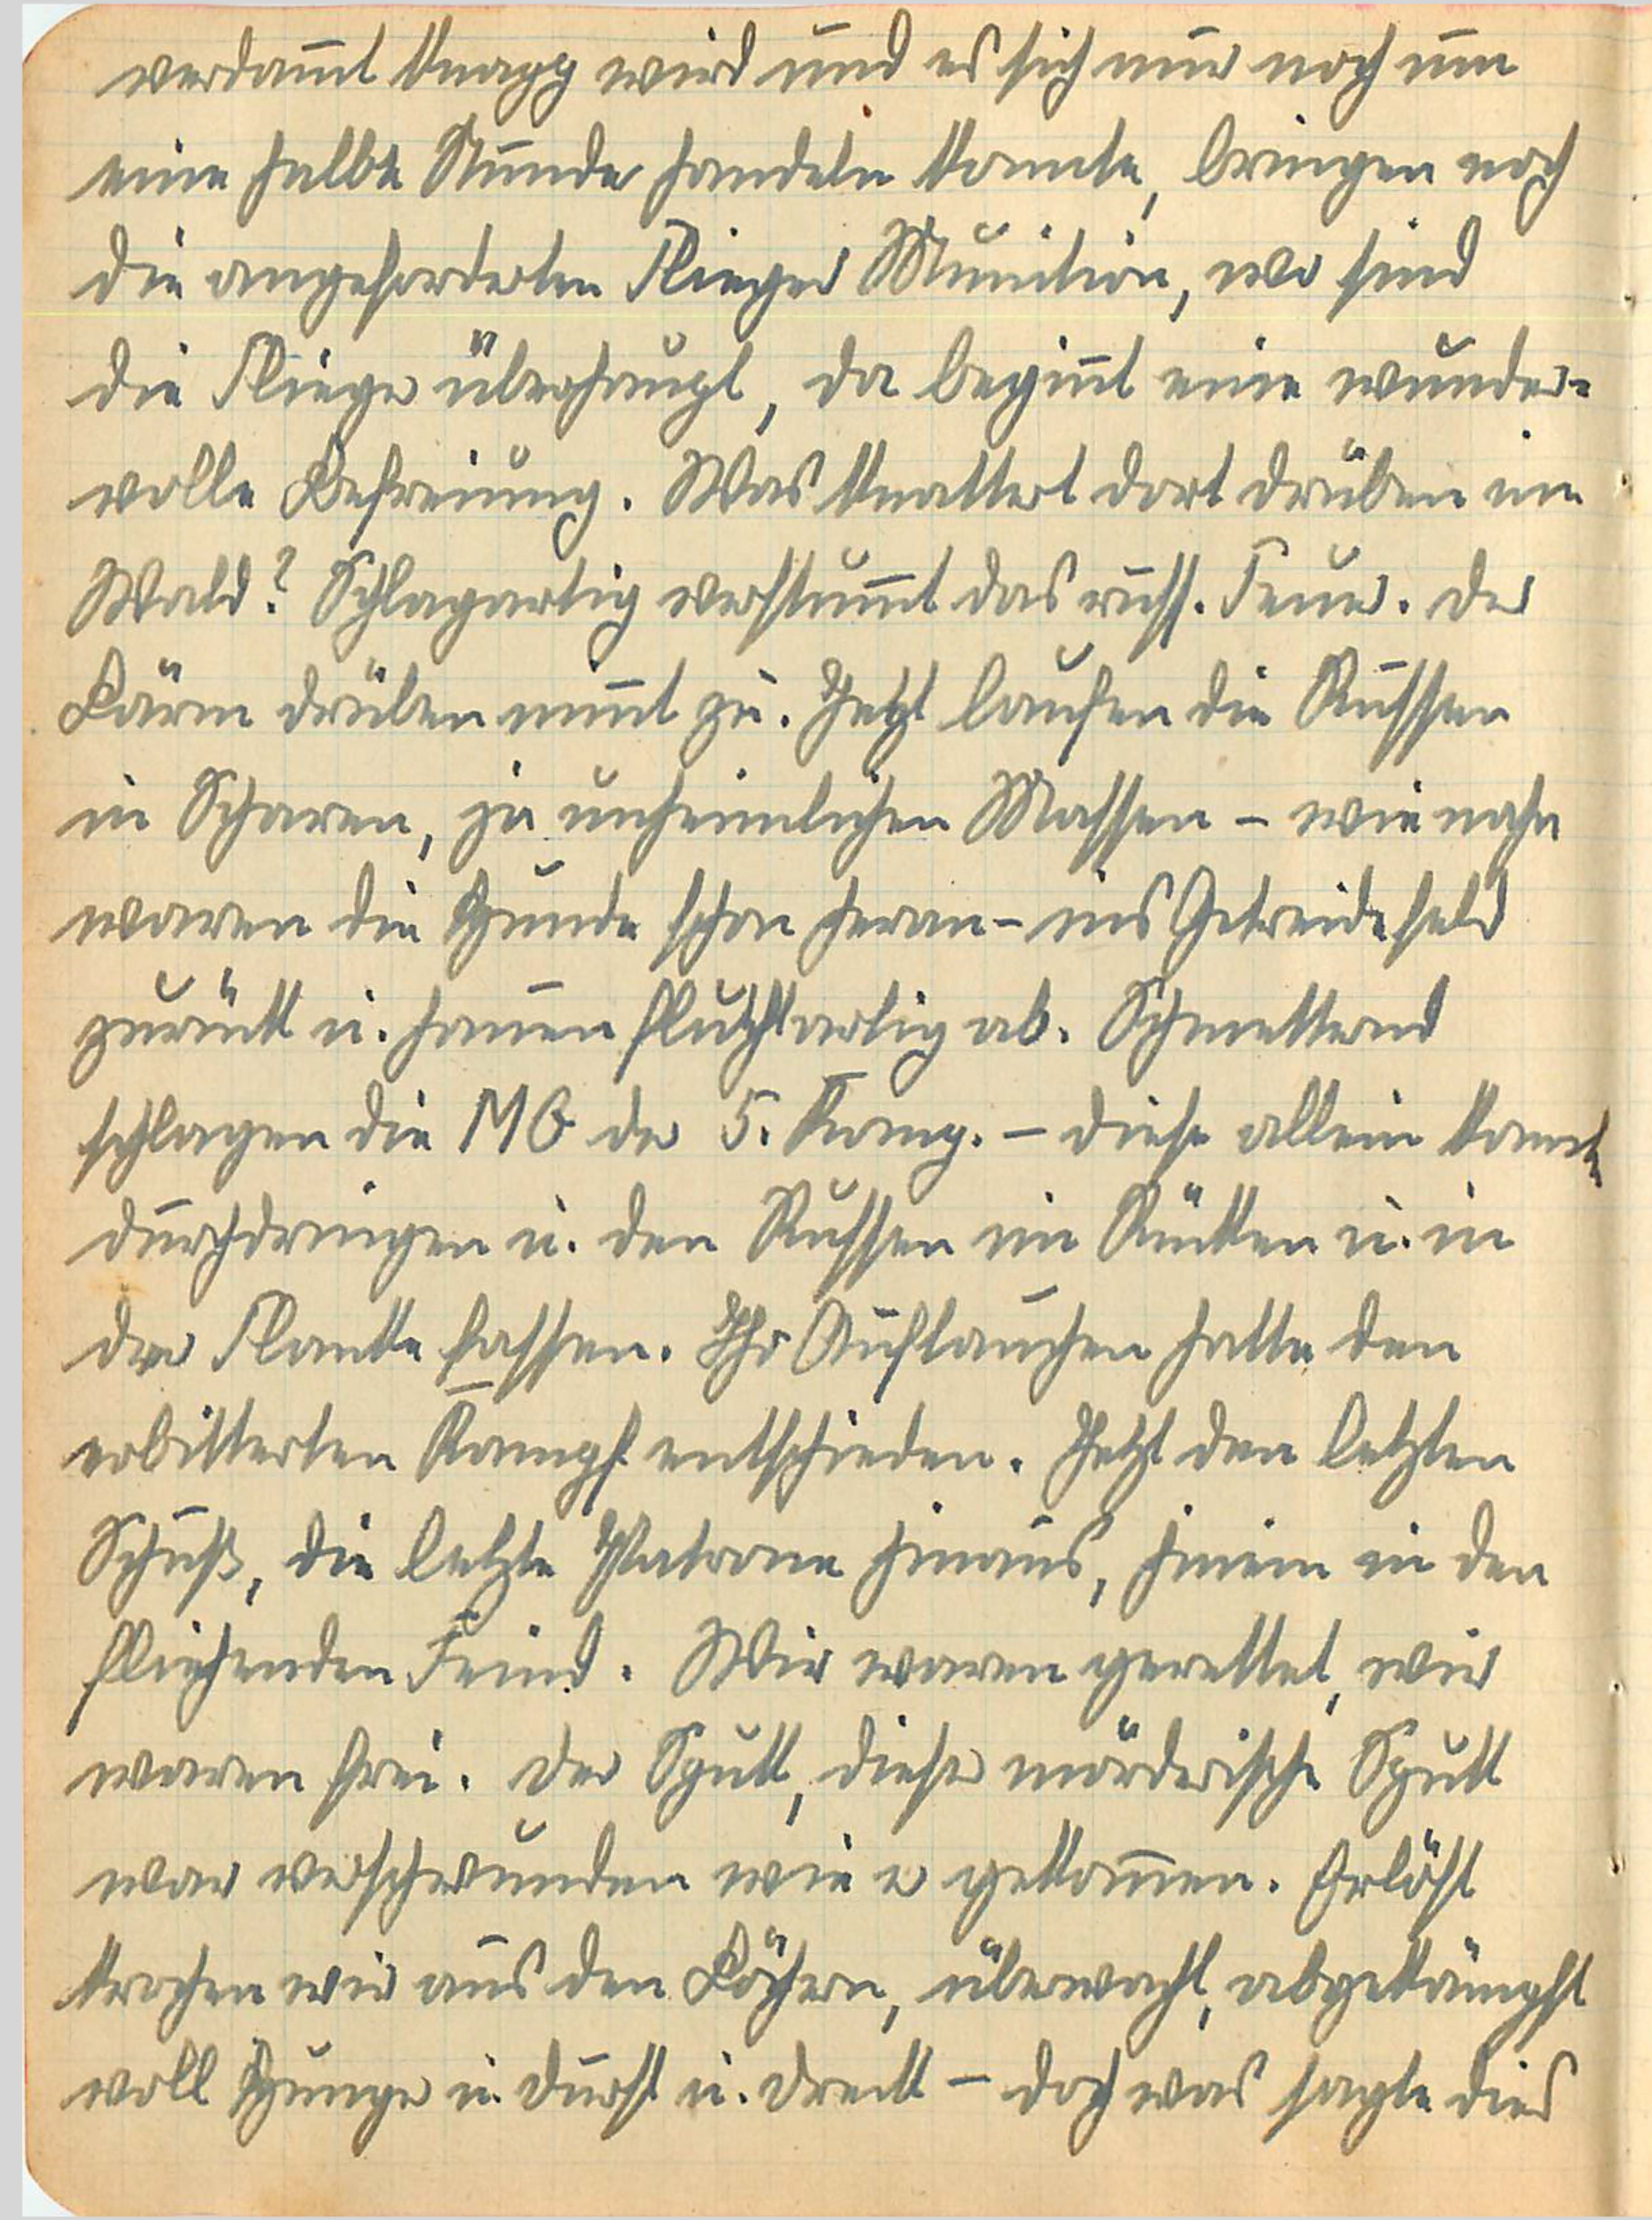verdammt knapp wird und es sich nur noch um
eine halbe Stunde handeln konnte, bringen noch
die angeforderten Flieger Munition, wo sind
die Flieger überhaupt, da beginnt eine wunder-
volle Befreiung. Was knattert dort drüben im
Wald? Schlagartig verstummt das russ. Feuer. Der
Lärm drüben nimmt zu. Jetzt laufen die Russen
in Scharen, ja unheimlichen Massen – wie nahe
waren die Hunde schon heran – ins Getreidefeld
zurück u. hauen fluchtartig ab. Schmetternd
schlagen die MG der 5. Komp. – diese allein konnten
durchdringen u. den Russen im Rücken u. in
der Flanke fassen. Ihr Auftauchen hatte den
erbitterten Kampf entschieden. Jetzt den letzten
Schuß, die letzte Patrone hinaus, hinein in den
fliehenden Feind. Wir waren gerettet, wir
waren frei. Der Spuk, dieser mörderische Spuk
war verschwunden wie er gekommen. Erlöst
krochen wir aus den Löchern, überwacht, abgekämpft
voll Hunger u. Durst u. Dreck – doch was sagte dies